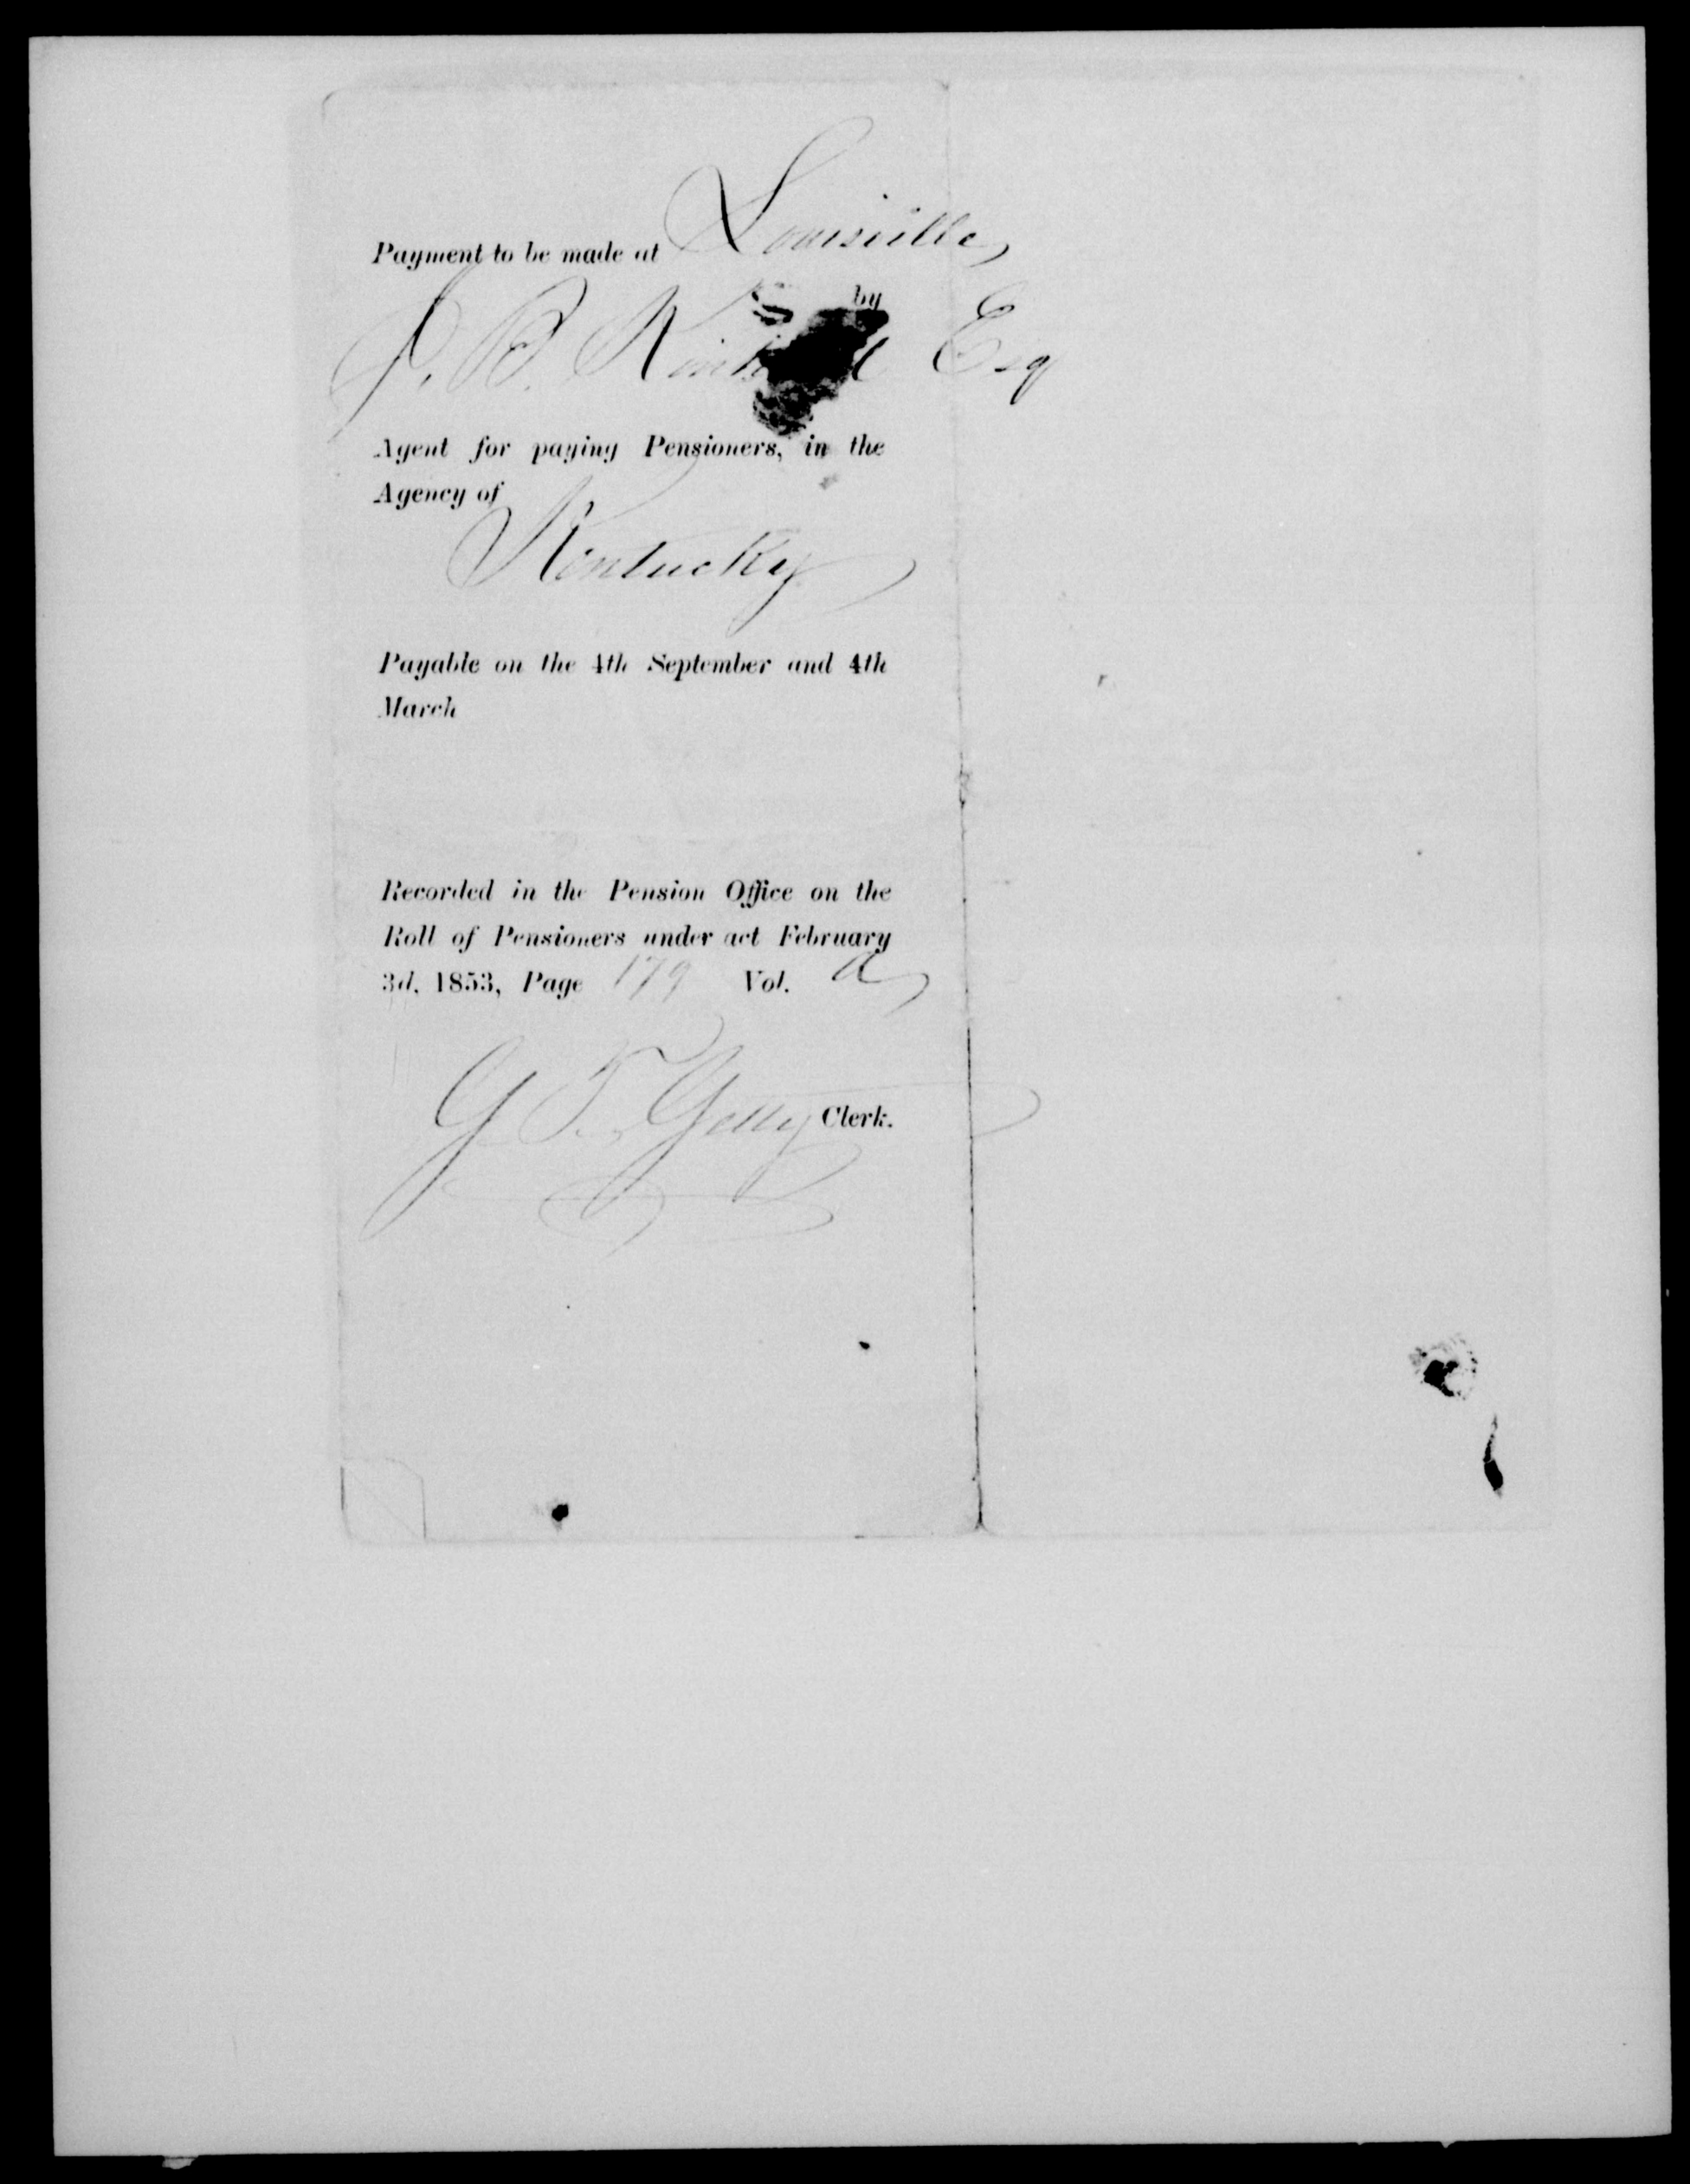Payment to be made at Louisville,
	by
J.[?] B. Kin[unreadable] Esq

Agency for paying Pensioners in the 
Agency of
	Kentucky

Payable on the 4th September and 4th
March

Recorded in the Pension Office on the 
Roll of Pensioners under act February 
3d, 1853, Page 179, Vol. A

G. T. Getty Clerk.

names: G T Getty; P B Kinkaid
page: 24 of 61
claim: widow's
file: W. 11554, for John Stafford, Maryland